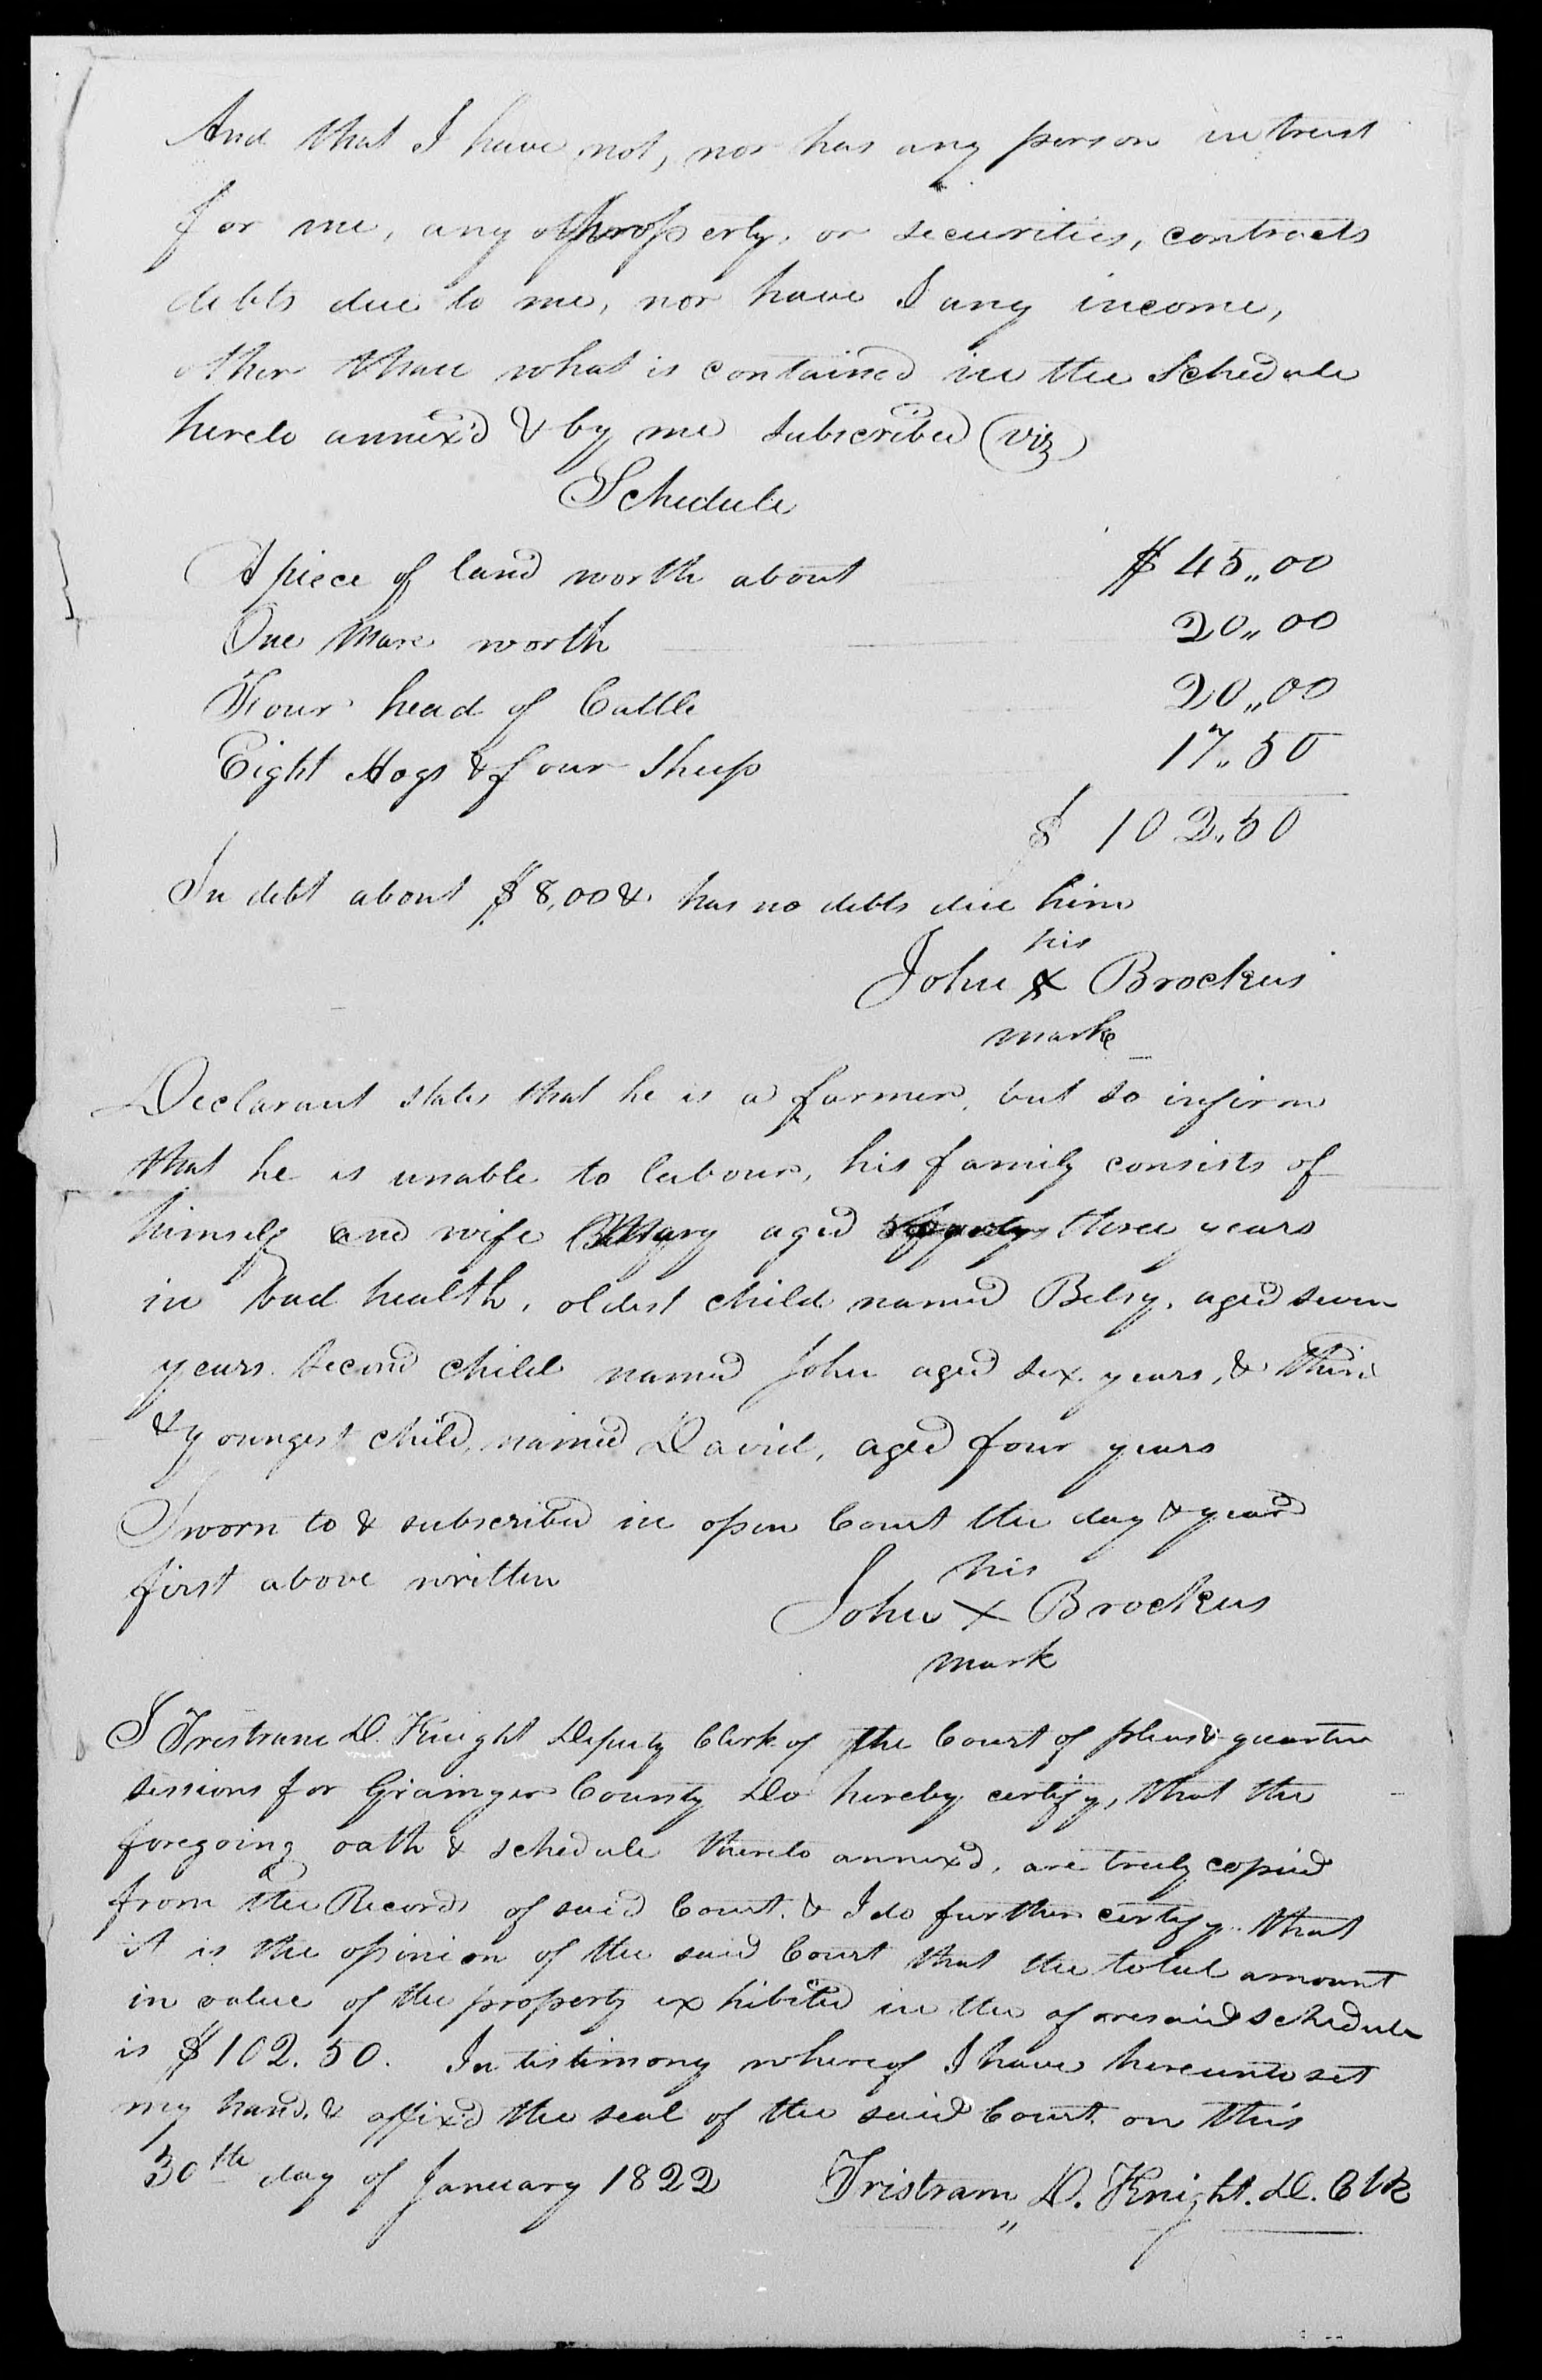And that I have not, nor has any person [illegible] for me, any property or securities, contracts [illegible] due to me, nor have I any income, other than what is contained in the schedule hereto annex'd by me [illegible]
Schedule
A piece of land worth about     $45,,00
One more worth     20,,00
Four head of cattle     20,,00
Eight hogs & four sheep     17,,50
                                            $102,,50
In debt about $8,00V has no debts due him
 his
John x Brockus
mark
Declared state that he is a farmer, but to inform that he is unable to labour, his family consists of himself and wife Mary aged fourty three years in bad health, oldest child named Betsy, aged seven years, second child named John aged six years & third youngest child named David, aged four years
Sworn to subscriber in open court the day & year first above written
his
John x Brockus
mark
I Tristan D Knight [illegible] Clerk of the Court of [illegible] for Grainger County do hereby certify that the foregoing oath & schedule thereto annexd, are truly copied from their Records of said Court & I do further certify that it is the opinion of the said Court that the total amount in value of the property [illegible] in the aforesaid schedule is $102.50. In testimony whereof I have [illegible] my hand & affixed the seal of the said Court on this 30th day of January 1822      Tristan D. Knight [illegible]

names: Mary, John Brockus, Betsy, John Brockus, Tristram D Knight, David, Tristram D Knight, John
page: 9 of 19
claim: survivor's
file: S. 39,224, John Brockus, Va.